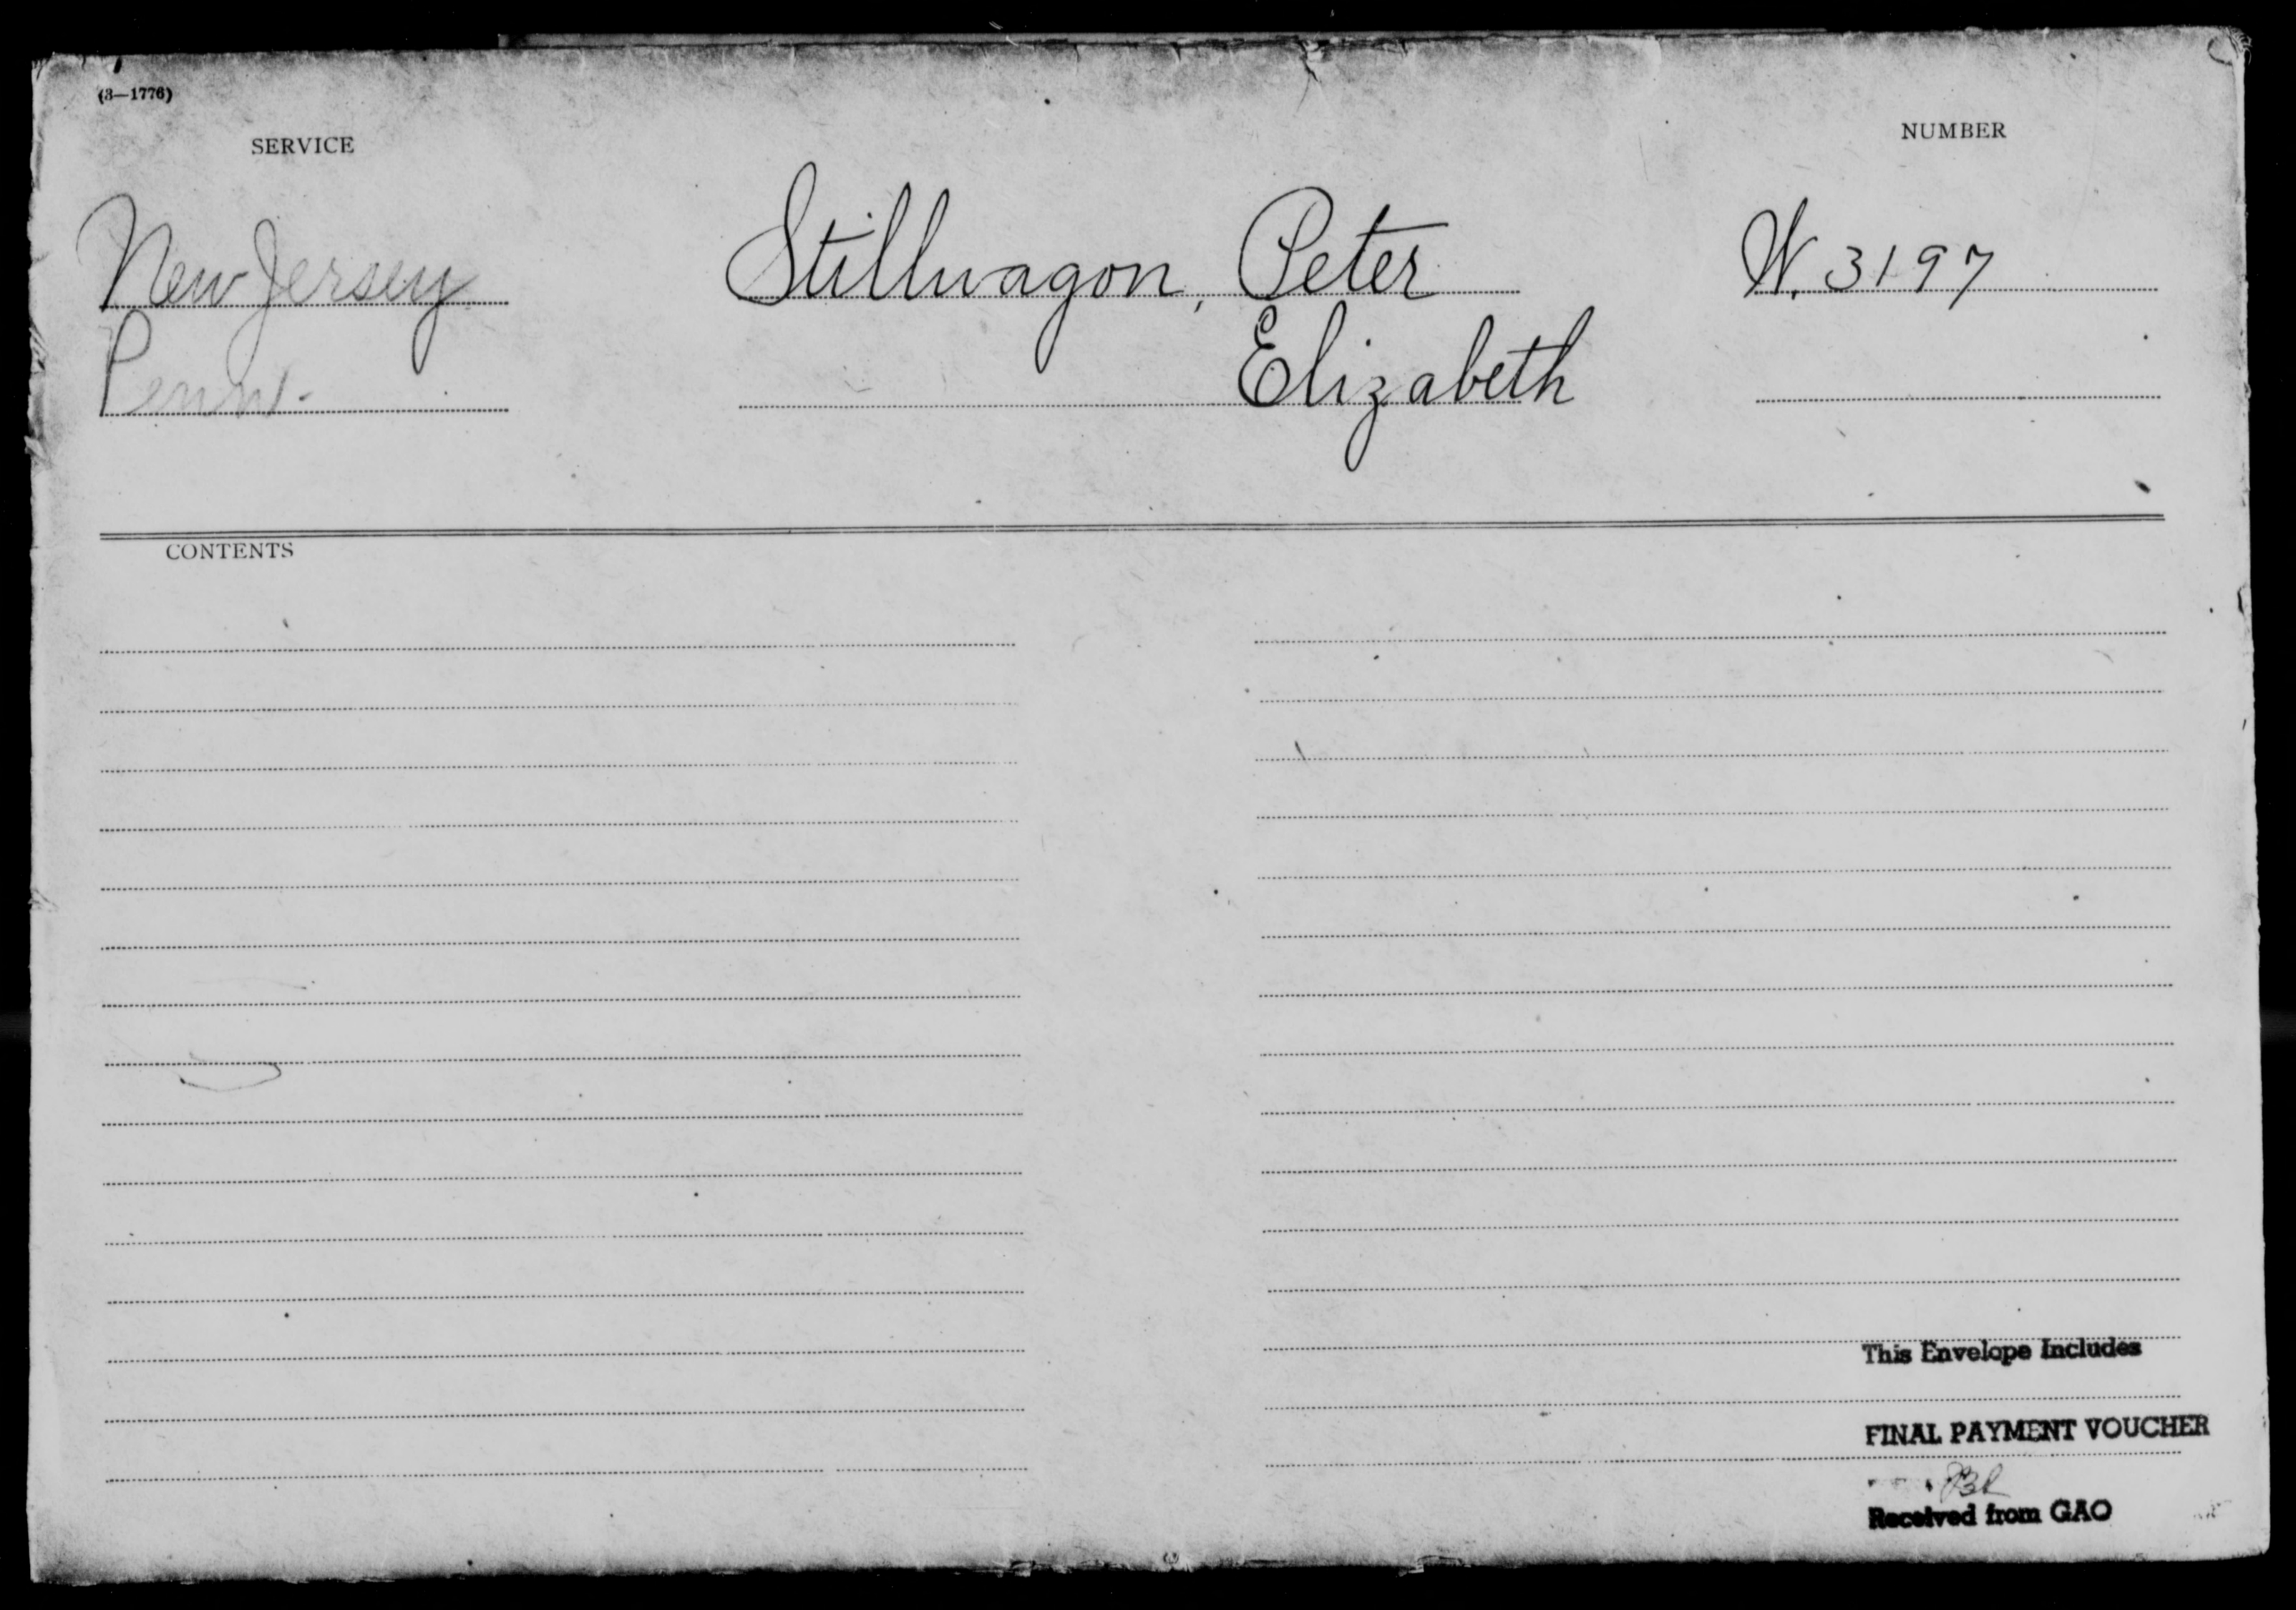SERVICE                                                                 NUMBER

New Jersey         Stillwagon, Peter                     W. 3197
Penn.                                Elizabeth                                                                                 
                                                                                                                                        
                                                                                                                                        
                                                                                                                                        
                                                                            This Envelope Includes 
                                                                              FINAL PAYMENT VOUCHER
                                                                                                  Bl
                                                                                 Received from GA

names: [BLANK]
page: 1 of 73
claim: widow's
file: W. 3197, for Peter Stillwagon, New Jersey